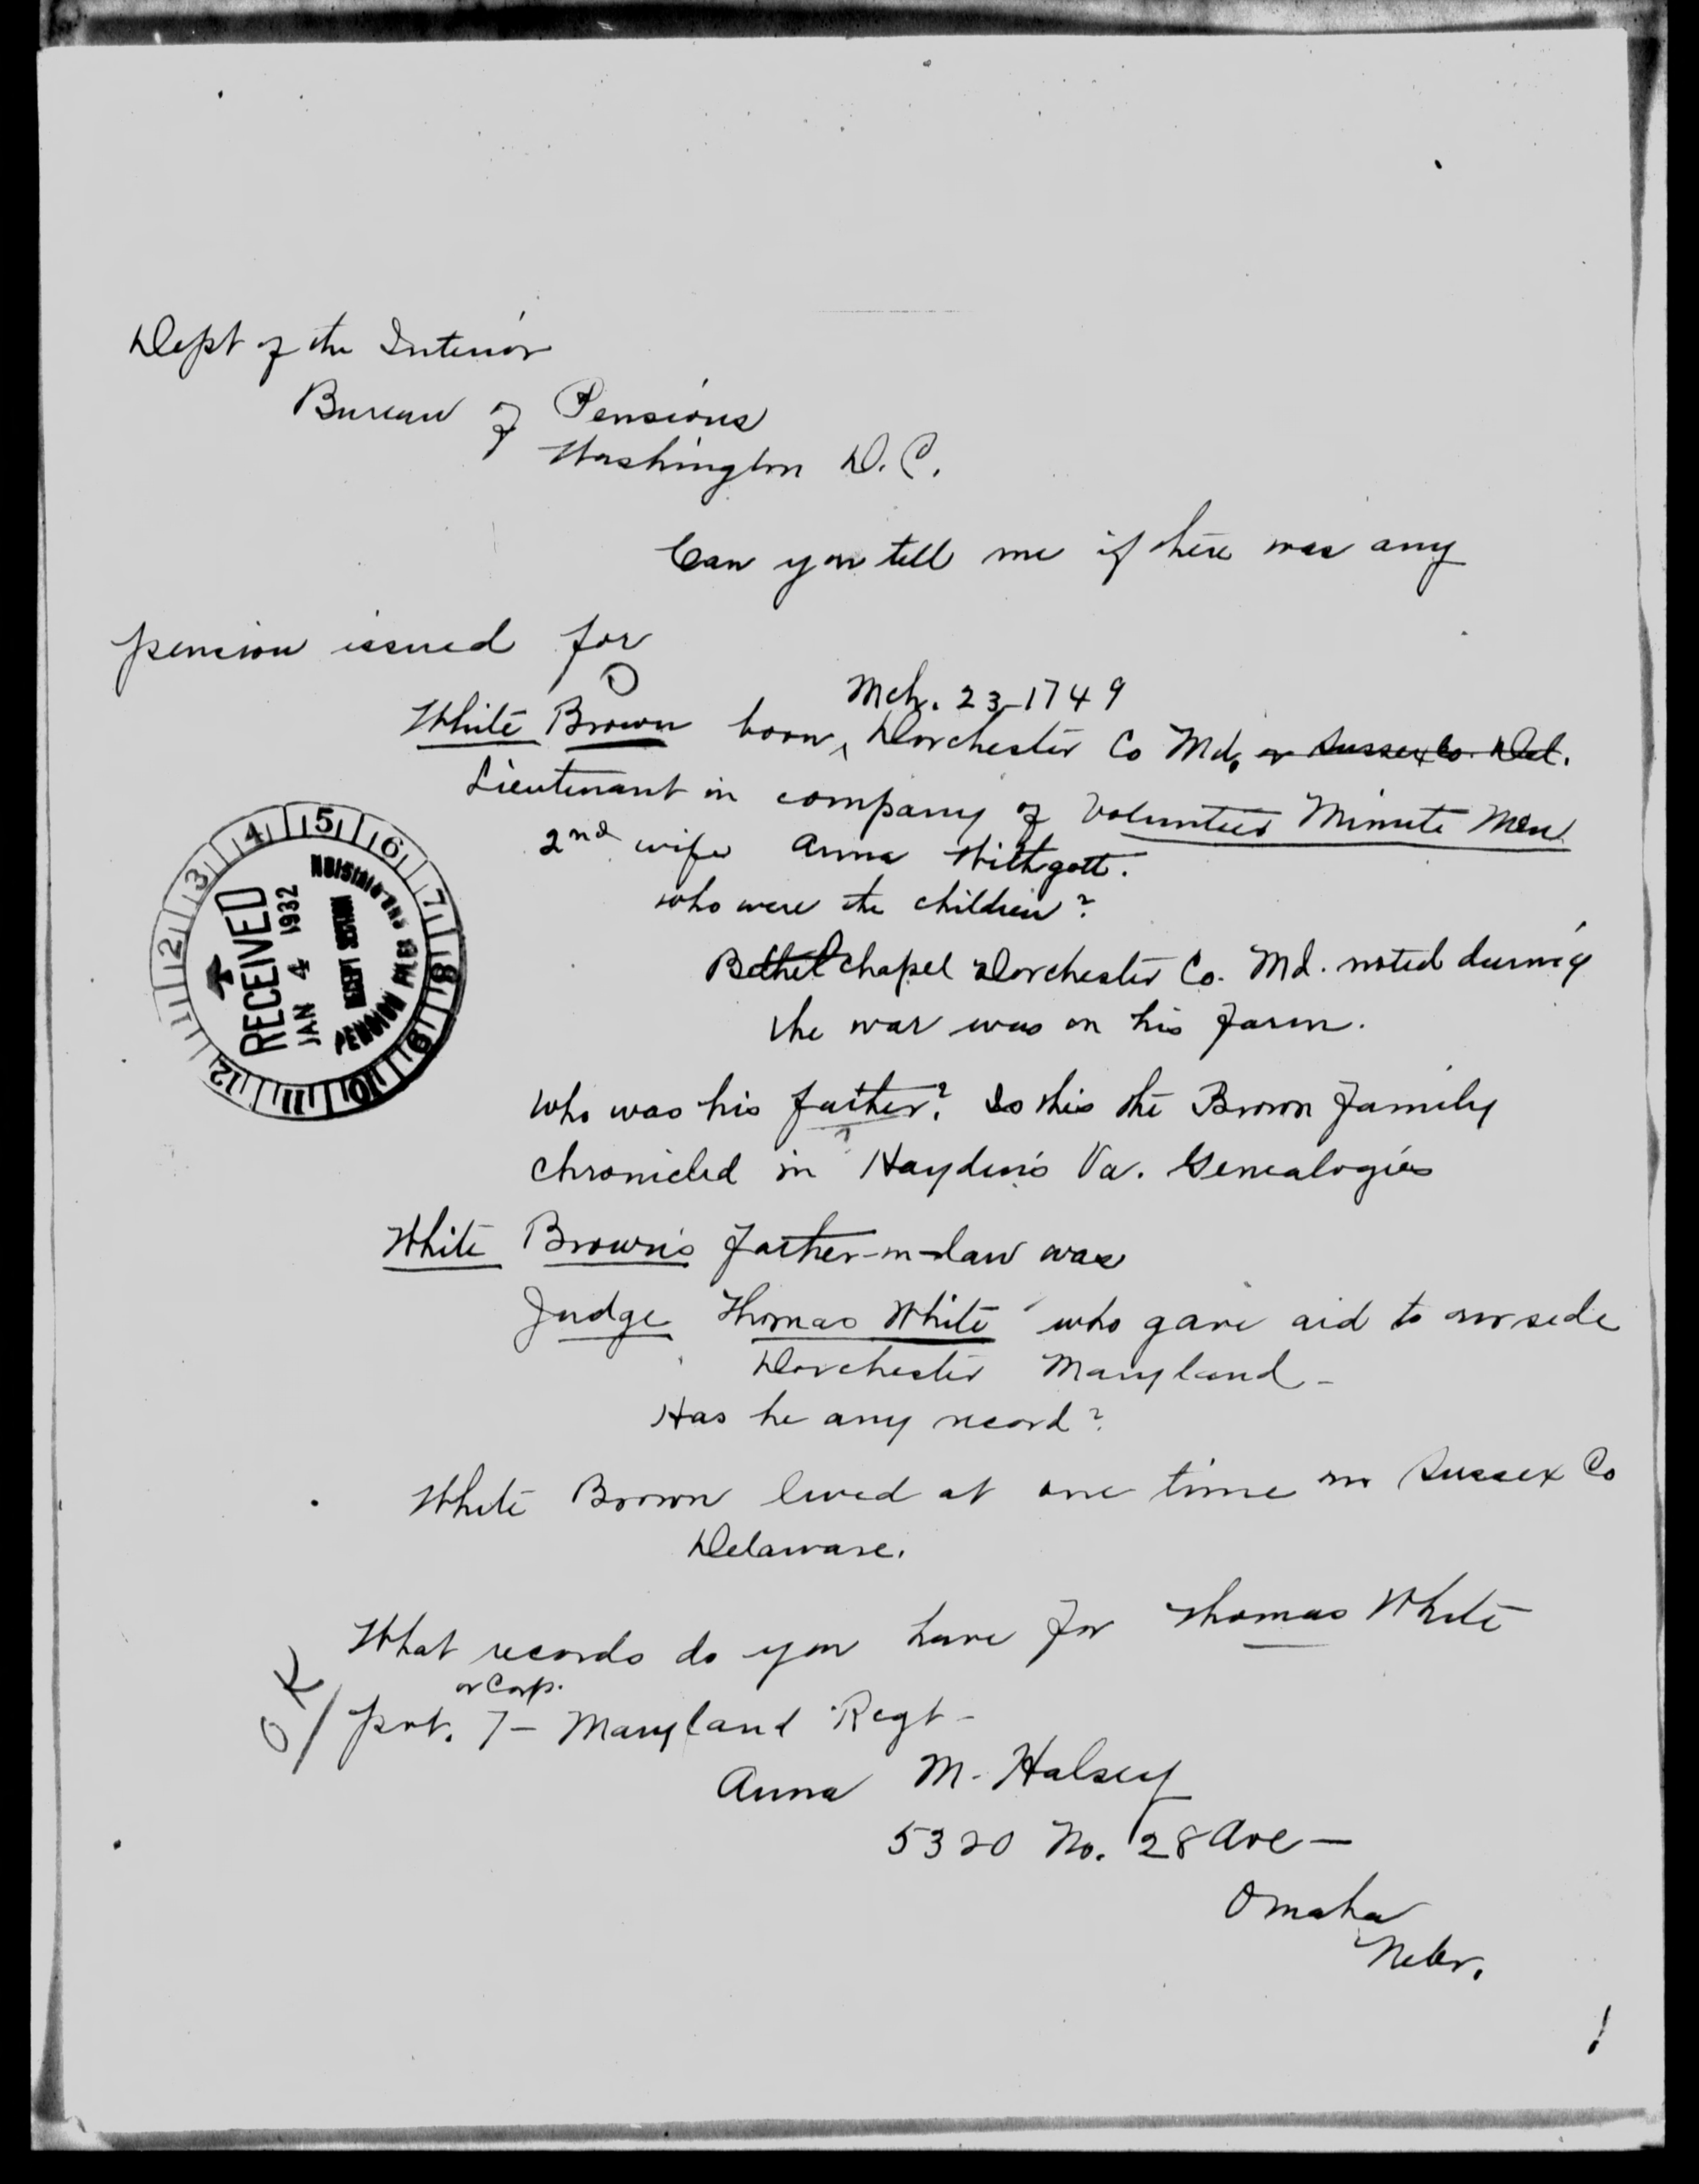Dept of the Interior
Bureau of Pensions
Washington D.C.

Can you tell me if there was any 
pension issued for

White Brown born Mch. 23 1749 Dorchester Co Md. [struck out: or Sussex Co. Del.]
Lieutenant in company of Volunteers Minute Men 
2nd wife Anna Thithgott
who were the children?
Bethel Chapel Dorchester Co. Md. noted during 
the was was on his farm.
Who was his father?  Is this the Brown family 
chronicled in Hayden's Va. Genealogies

[Circular time and mail receipt stamp]
Arrow pointing 1:45
RRECEIVED 
JAN 4 1832
[illegible]
PENSION [illegible]

White Brown's father in law was 
Judge Thomas White who gave aid to [illegible] side
Dorchester Maryland.
Has he any record?

White Brown lived at one time in Sussex Co
Delaware.

What records do you have for Thomas White 
pvt. or corp. 7 Maryland Regt. [Note before pvt.: OK]

Anna M. Halsey
5320 No. 28 Ave
Omaha
Nebr.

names: White Brown, Anna M Halsey, Thomas White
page: 37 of 43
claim: survivor's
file: S. 15240, Thomas White, Md.